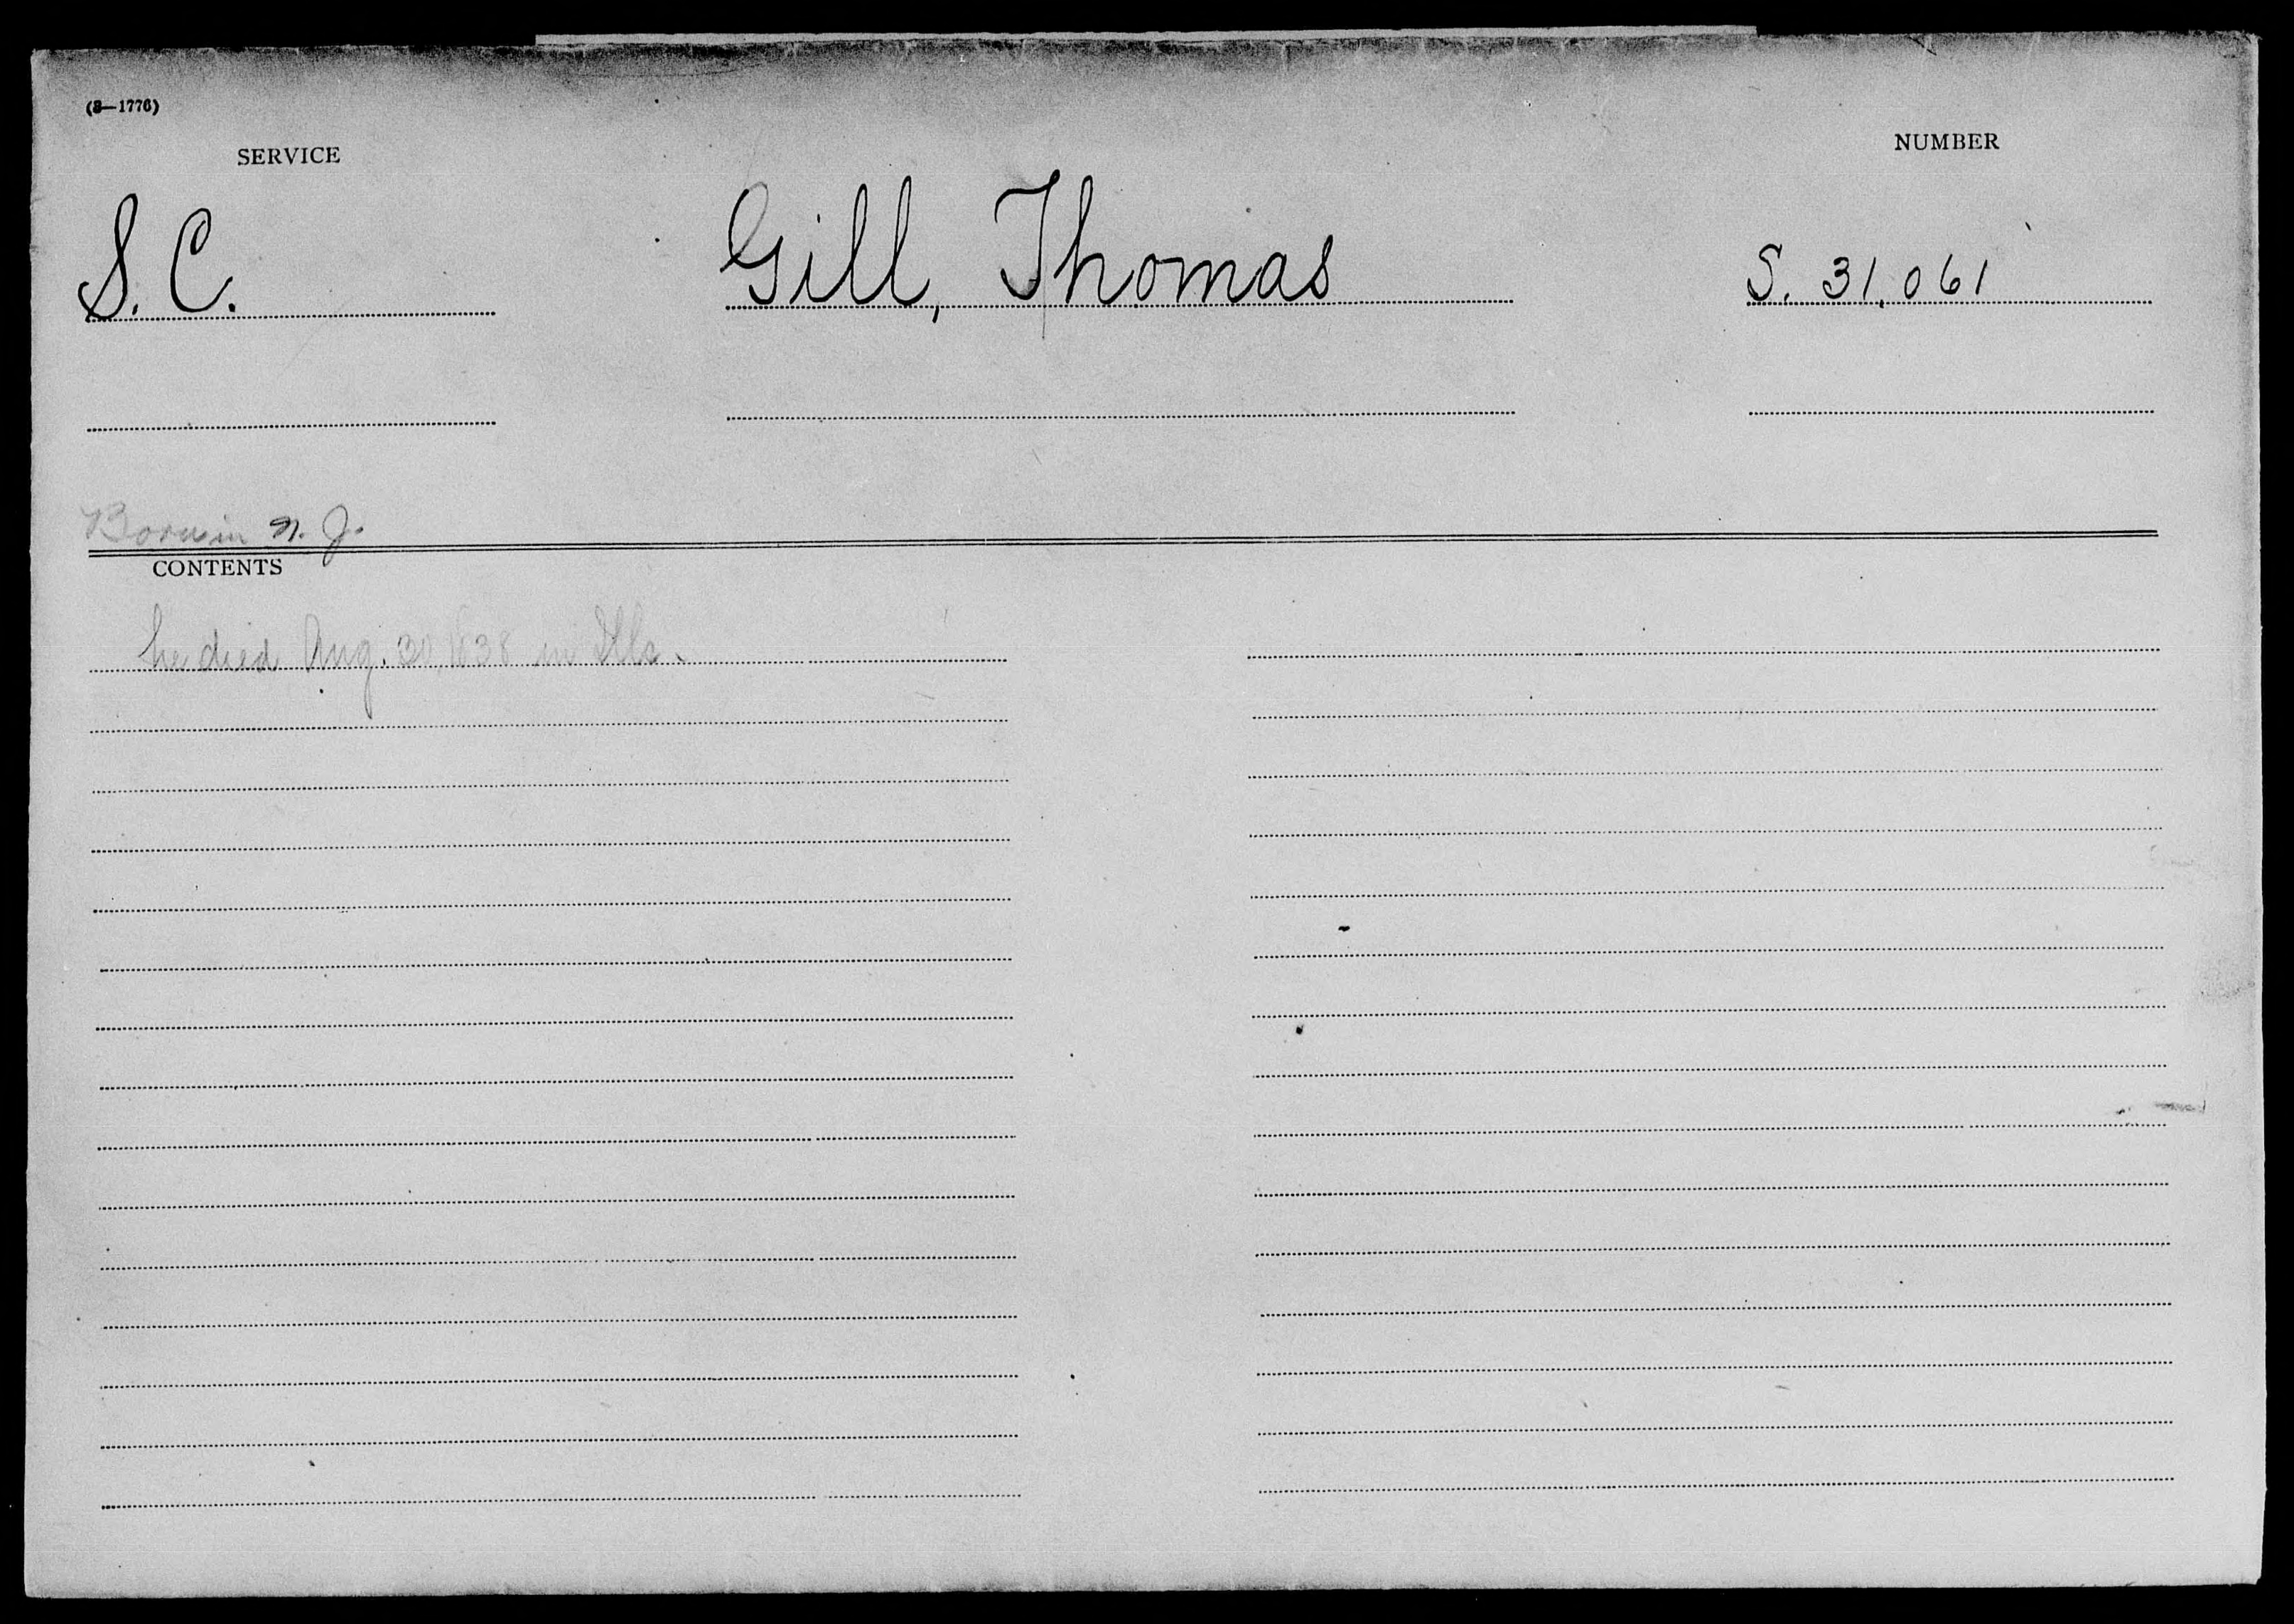Service    S.C.                                                   
Gill, Thomas                   
Number S.31.061
Contents
Borwin N.J.
He died Aug. 30, 1838 in Illinois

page: 1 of 44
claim: survivor's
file: S. 31,061, Thomas Gill, S.C.